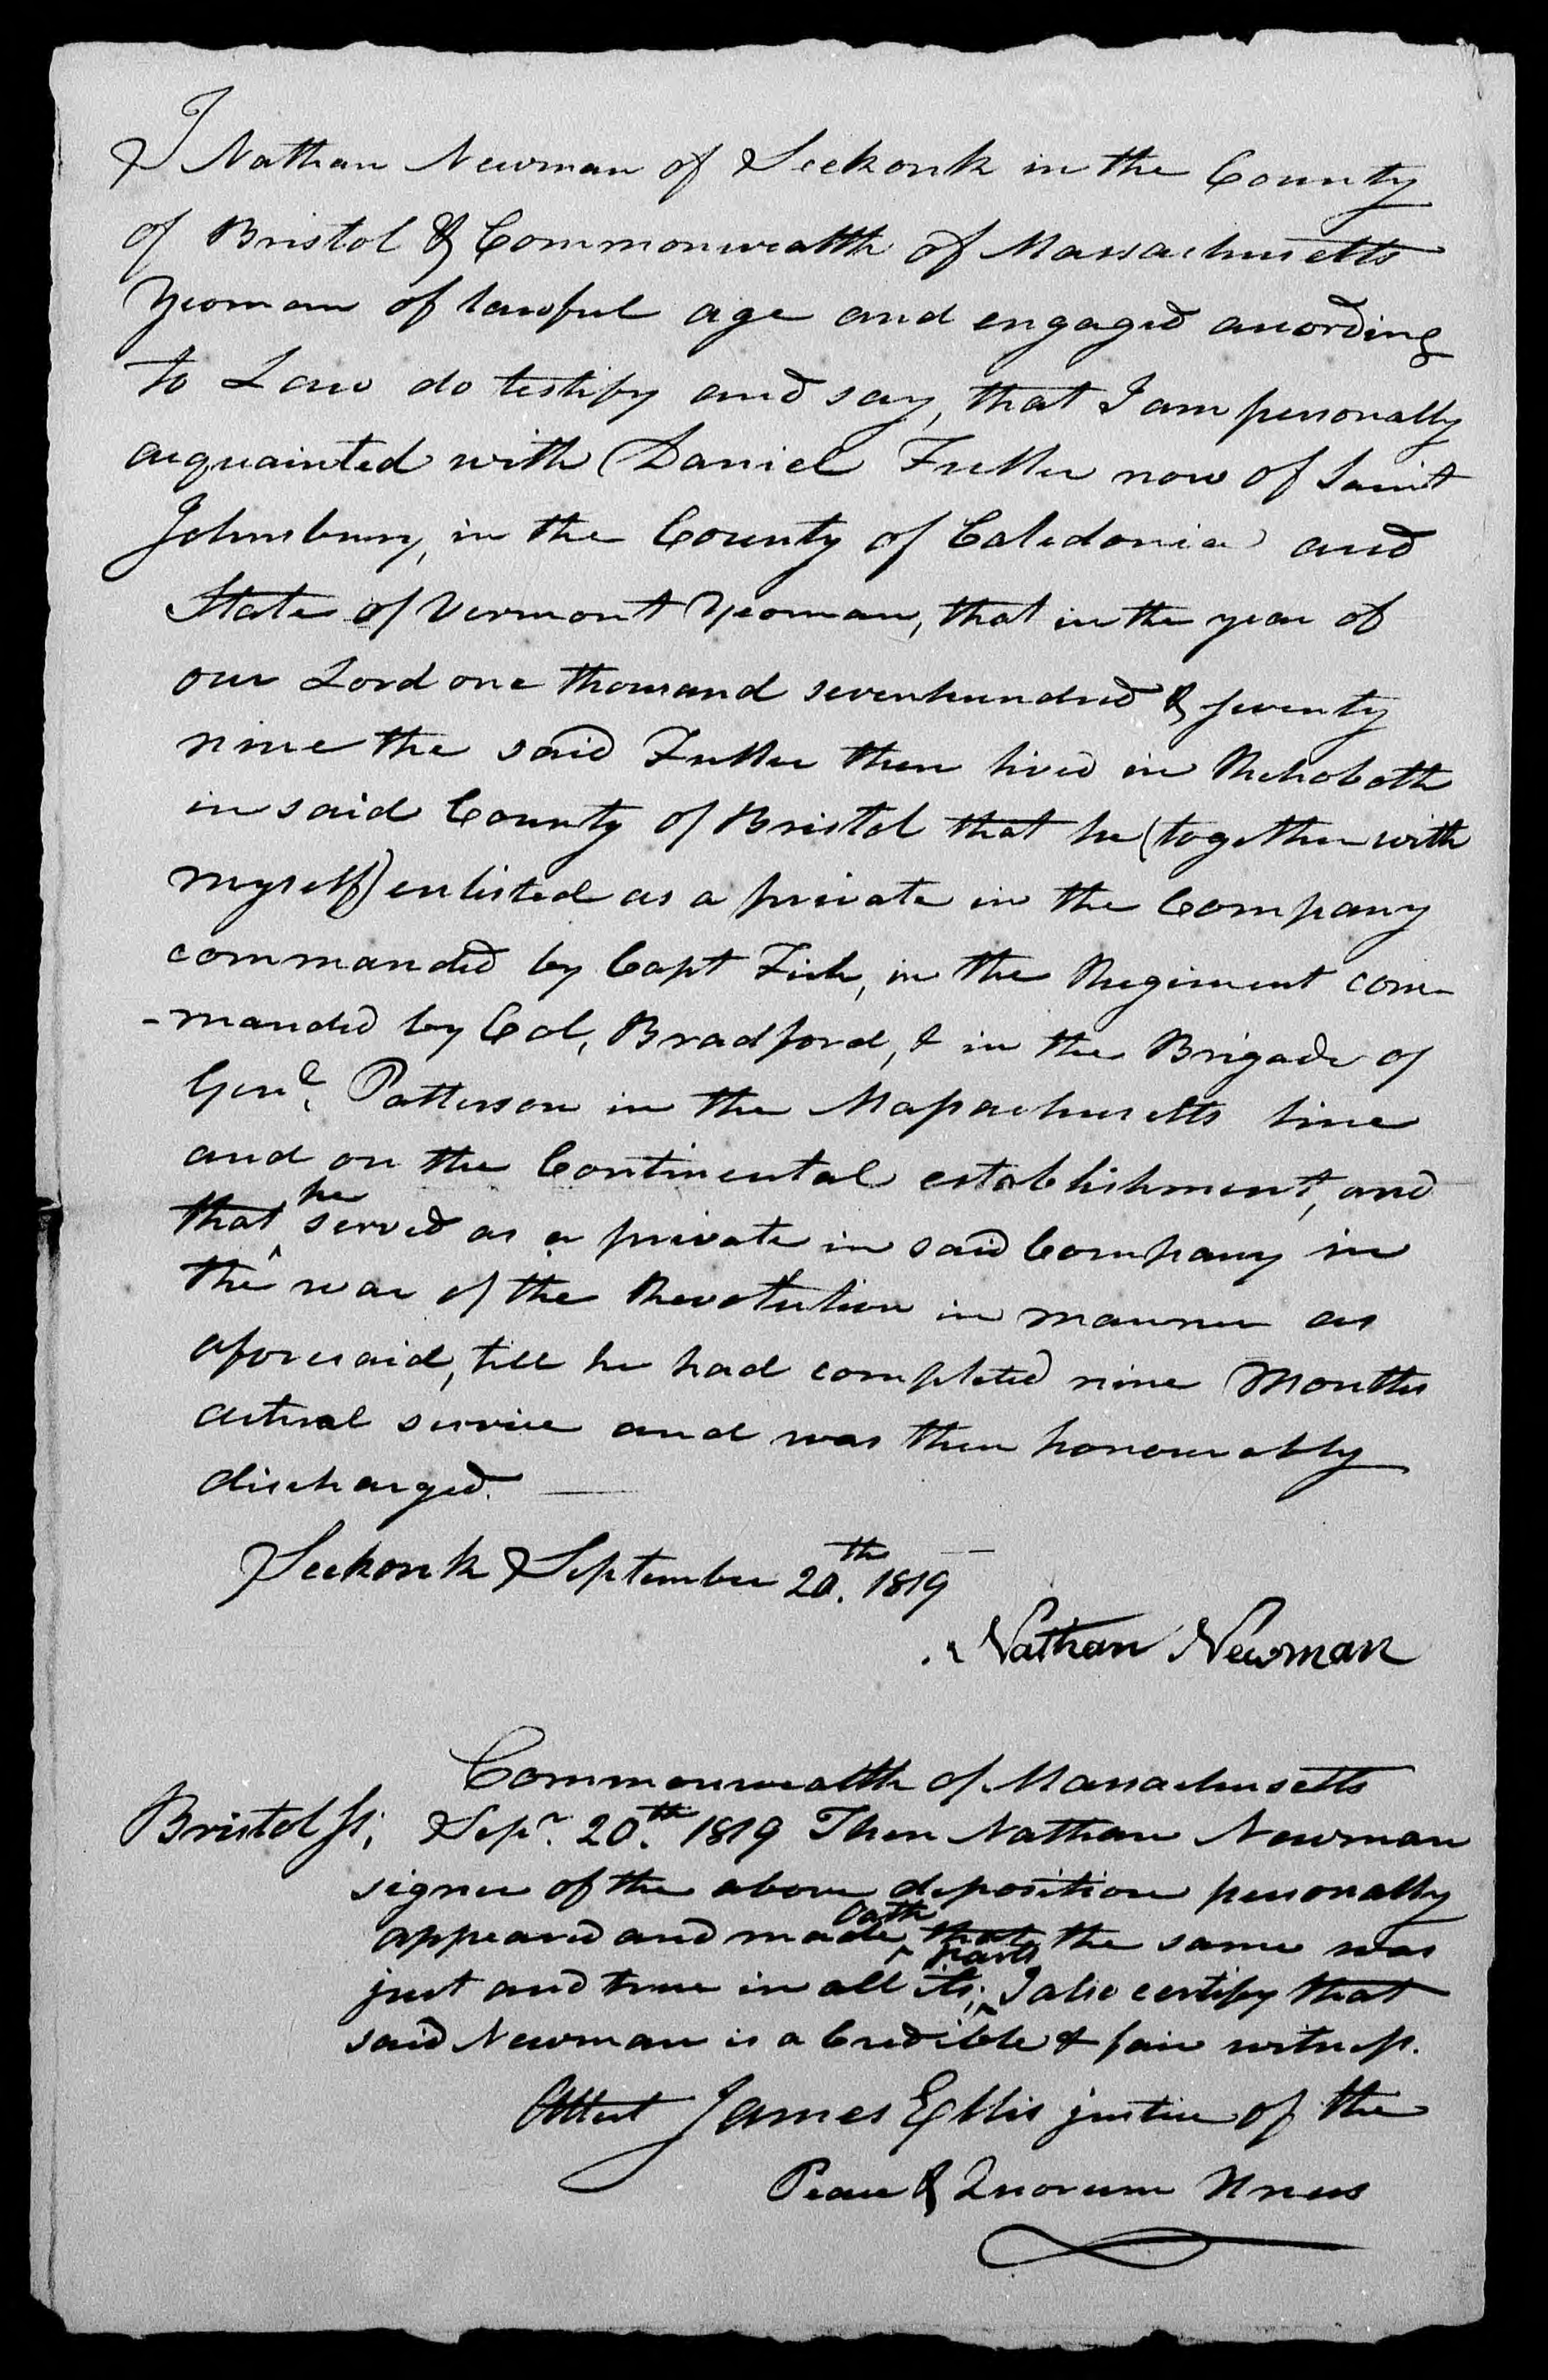I Nathan Newman of Seekonk in the County of Bristol of the Commonwealth of Massachusetts yeoman of lawful age and engaged according to Law do testify and say, that I am personally acquainted with Daniel Fuller now of St Johnsbury in the County of Caledonia and State of Vermont yeoman, that in the year of our Lord one thousand seven hundred & seventy nine the said Fuller then lived in Rehoboth in said County of Bristol that he (together with myself) enlisted as a private in the Company commanded by Capt Fisk, in the Regiment commanded by Col Bradford, & in the Brigade of Genl Patterson in the Massachusetts line and on the Continental establishment, and that he served as a private in said Company in the war of the Revolution in manner as aforesaid, till he had completed nine Months actual service and was then honorably discharged. 
Seekonk September 20th 1819
Nathan Newman 

Commonwealth of Massachusetts 
Bristol ss. 
Sept 20th 1819 Then Nathan Newman signer of the above deposition personally approved and made oath that the same was just and true in all to parts; I also certify that said Newman is a credible and fair witness. 
Attest James Ellis Justice of the Peace & Quorum Mass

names: Nathan Newman, Newman, Fisk, Nathan Newman, Nathan Newman, Daniel Fuller, Patterson, James Ellis, Bradford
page: 21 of 29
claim: survivor's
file: S. 18830, Daniel Fuller, Mass.